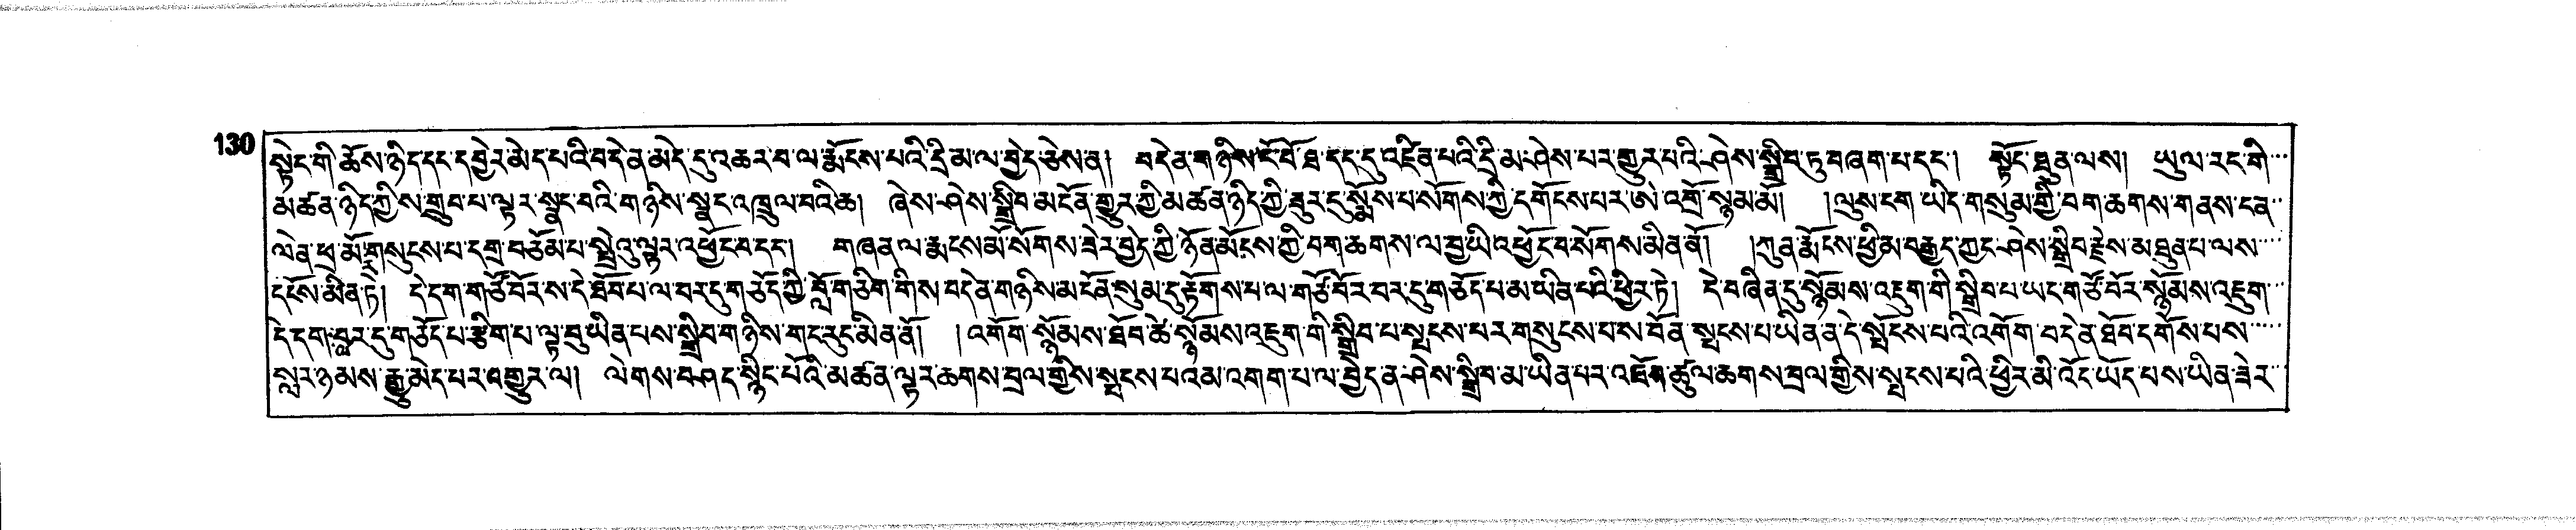སྟེང་གི་ཆོས་ཉིད་དང་དབྱེར་མེད་པའི་བདེན་མེད་དུ་འཆར་བ་ལ་རྨོངས་པའི་དྲི་མ་ལ་བྱེད་ཅེས་ན། བདེན་གཉིས་ངོ་བོ་ཐ་དང་དུ་འཛིན་པའི་དྲི་མ་ཤེས་པར་གྱུར་པའི་ཤེས་སྒྲིབ་ཏུ་བཞག་པ་དང་། སྟོང་ཐུན་ལས། ཡུལ་རང་གི་
མཚན་ཉིད་ཀྱིས་གྲུབ་པ་ལྟར་སྣང་བའི་གཉིས་སྣང་འཁྲུལ་བའི་ཆ། ཞེས་ཤེས་སྒྲིབ་མངོན་གྱུར་ཀྱི་མཚན་ཉིད་ཀྱི་ཟུར་དུ་སྨོས་པ་སོགས་ཀྱི་དགོངས་པར་ཨེ་འགྲོ་སྙམ་མོ། །ལུས་ངག་ཡིད་གསུམ་གྱི་བག་ཆགས་གནས་ངན་
ལེན་ཕྲ་མོར་གསུངས་པ་དགྲ་བཅོམ་པ་སྤྲེའུ་ལྟར་འཕྱོང་བ་དང་། གཞན་ལ་རྨངས་མོ་སོགས་ཟེར་བྱེད་ཀྱི་ཉོན་མོངས་ཀྱི་བག་ཆགས་ལ་བྱ་ཡི་འཕྱོང་བ་སོགས་མིན་ནོ། །ཀུན་རྨོངས་ཕྱི་མ་བརྒྱད་ཀྱང་ཤེས་སྒྲིབ་རྗེས་མཐུན་པ་ལས་
དངོས་མིན་ཏེ། དེ་དག་གཙོ་བོར་ས་དེ་ཐོབ་པ་ལ་བར་དུ་གཅོད་ཀྱི་བློ་གཅིག་གིས་བདེན་གཉིས་མངོན་སུམ་དུ་རྟོགས་པ་ལ་གཙོ་བོར་བར་དུ་གཅོད་པ་མ་ཡིན་པའི་ཕྱིར་ཏེ། དེ་བཞིན་དུ་སྙོམས་འཇུག་གི་སྒྲིབ་པ་ཡང་གཙོ་བོར་སྙོམས་འཇུག་
དེ་དག་བ?་བར་དུ་གཅོད་པ་རྩིག་པ་ལྟ་བུ་ཡིན་པས་སྒྲིབ་གཉིས་གང་རུང་མིན་ནོ། །འགོག་སྙོམས་ཐོབ་ཚེ་སྙོམས་འཇུག་གི་སྒྲིབ་པ་སྤངས་པར་གསུངས་པ་ས་བོན་སྤངས་པ་ཡིན་ན་དེ་སྤོངས་པའི་འགོག་བདེན་ཐོབ་དགོས་པས་
སླར་ཉམས་རྒྱུ་མེད་པར་འགྱུར་ལ། ལེགས་བཤད་སྙིང་པོའི་མཚན་ལྟར་ཆགས་བྲལ་གྱིས་སྤངས་པའམ་འགག་པ་ལ་བྱེད་ན་ཤེས་སྒྲིབ་མ་ཡིན་པར་འཐོག་ཚུལ་ཆགས་བྲལ་གྱིས་སྤངས་པའི་ཕྱིར་མི་འོང་ཡོད་པས་ཡིན་ཟེར་